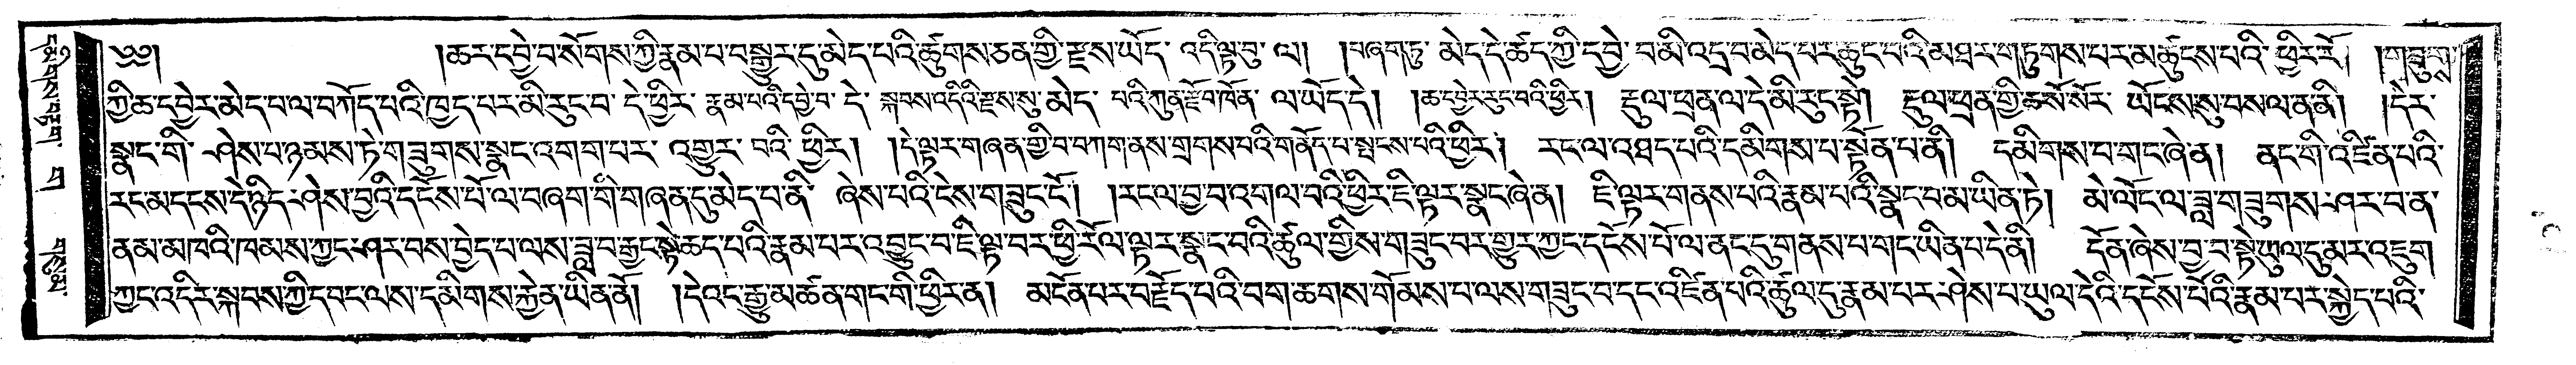༄༅། །ཆར་དབྱེ་བ་སོགས་ཀྱི་རྣམ་པ་བསྒྱུར་དུ་མེད་པའི་ཚུགས་ཅན་གྱི་རྫས་ཡོད་འདི་ལྟ་བུ་ལ། །བཞག་ཏུ་མེད་དེ་ཚད་ཀྱི་དབྱེ་བ་མི་འདྲ་བ་མེད་པར་ཆུང་བའི་མཐར་གཏུགས་པར་མཚུངས་པའི་ཕྱིར་རོ། །གཟུགས་
ཀྱི་ཆ་དབྱེར་མེད་པ་ལ་བཀོད་པའི་ཁྱད་པར་མི་རུང་བ་དེ་ཕྱིར་རྣམ་པའི་དབྱེ་བ་དེ་སྐབས་འདིའི་རྫས་སུ་མེད་པའི་ཀུན་རྫོབ་ཁོ་ན་ལ་ཡོད་དེ། །ཆ་དབྱེར་རུང་བའི་ཕྱིར། རྡུལ་ཕྲན་ལ་དེ་མི་རུང་སྟེ། རྡུལ་ཕྲན་གྱི་ཆ་སོ་སོར་ཡོངས་སུ་བསལ་ན་ནི། །དེར་
སྣང་གི་ཤེས་པ་ཉམས་ཏེ་གཟུགས་སྣང་འགག་པར་འགྱུར་བའི་ཕྱིར། །དེ་ལྟར་གཞན་གྱི་བ་བཀག་ནས་གྲགས་པའི་གནོད་པ་སྤངས་པའི་ཕྱིར། རང་ལ་འཐད་པའི་དམིགས་པ་སྟོན་པ་ནི། དམིགས་པ་གང་ཞེ་ན། ནང་གི་འཛིན་པའི་
རངས་དངས་དེ་ཉིད་ཤེས་བྱའི་དངོས་པོ་ལ་བཞག་གི་གཞན་དུ་མེད་པ་ནི་ཞེས་པའི་དེས་གཟུང་ངོ། །རང་ལ་བྱ་བ་འགལ་བའི་ཕྱིར་ཇི་ལྟར་སྣང་ཞེ་ན། ཇི་ལྟར་གནས་པའི་རྣམ་པའི་སྣང་བ་མ་ཡིན་ཏེ། མེ་ལོང་ལ་ཟླ་གཟུགས་ཤར་བ་ན་
ནམ་མཁའི་ཁམས་ཀྱང་ཤར་བས་བྱེད་པ་ལས་ཟླ་བ་རྒྱང་སྟེ་ཆད་པའི་རྣམ་པར་འབྱུང་བ་ཇི་ལྟ་བར་ཕྱི་རོལ་ལྟར་སྣང་བའི་ཚུལ་གྱིས་གཟུང་བར་གྱུར་ཀྱང་དངོས་པོ་ལ་ནང་དུ་གནས་པ་གང་ཡིན་པ་དེ་ནི། དོན་ཞེས་བྱ་བ་སྟེ་ཡུལ་དུ་མར་འཇུག་
ཀྱང་འདིར་སྐབས་ཀྱི་དབང་ལས་དམིགས་རྐྱེན་ཡིན་ནོ། །དེའང་རྒྱུ་མཚན་གང་གི་ཕྱིར་ན། མངོན་བར་བརྗོད་པའི་བག་ཆགས་གོམས་པ་ལས་གཟུང་བ་དང་འཛིན་པའི་ཚུལ་དུ་རྣམ་པར་ཤེས་པོ་ཡུལ་དེའི་དངོས་པོའི་རྣམ་པར་སྐྱེད་པའི་